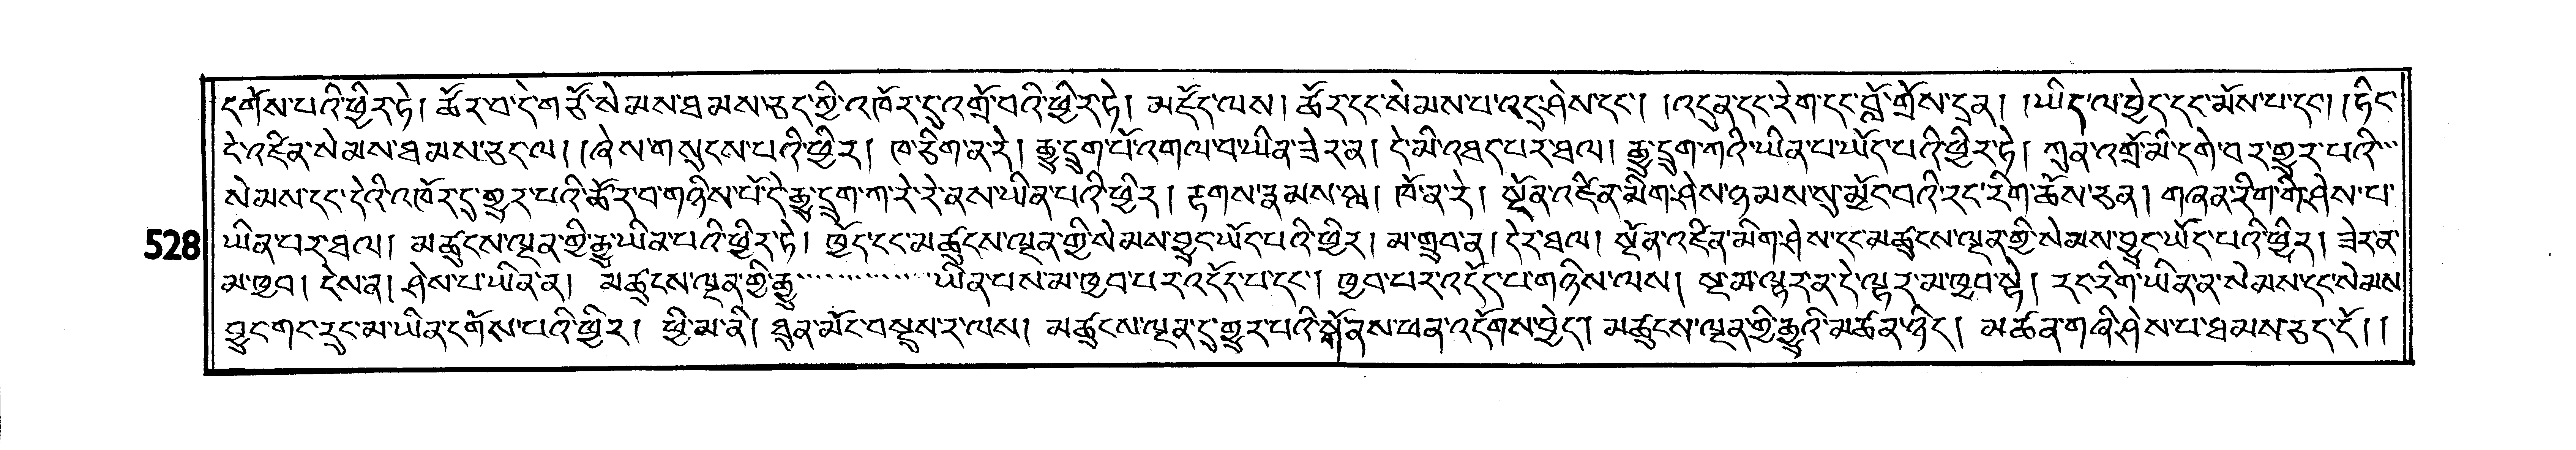དགོས་པའི་ཕྱིར་ཏེ། ཚོར་བ་དེ་གཙོ་སེམས་ཐམས་ཅད་ཀྱི་འཁོར་དུ་འགྲོ་བའི་ཕྱིར་ཏེ། མཛོད་ལས། ཚོར་དང་སེམས་པ་འདུ་ཤེས་དང་། །འདུན་དང་རེག་དང་བློ་གྲོས་དྲན། །ཡིད་ལ་བྱེད་དང་མོས་པ་དང་། །ཏིང་
ངེ་འཛིན་སེམས་ཐམས་ཅད་ལ། །ཞེས་གསུངས་པའི་ཕྱིར། ཁ་ཅིག་ན་རེ། རྒྱུ་དྲུག་པོ་འགལ་བ་ཡིན་ཟེར་ན། དེ་མི་འཐད་པར་ཐལ། རྒྱུ་དྲུག་ཀའི་ཡིན་པ་ཡོད་པའི་ཕྱིར་ཏེ། ཀུན་འགྲོ་མི་དགེ་བར་གྱུར་པའི་
སེམས་དང་དེའི་འཁོར་དུ་གྱུར་པའི་ཚོར་བ་གཉིས་པོ་དེ་རྒྱུ་དྲུག་ཀ་རེ་རེ་ནས་ཡིན་པའི་ཕྱིར། རྟགས་རྣམས་སླ། ཁོ་ན་རེ། སྔོན་འཛིན་མིག་ཤེས་ཉམས་སུ་མྱོང་བའི་རང་རིག་ཆོས་ཅན། གཞན་རིག་གི་ཤེས་པ་
ཡིན་པར་ཐལ། མཚུངས་ལྡན་གྱི་རྒྱུ་ཡིན་པའི་ཕྱིར་ཏེ། ཁྱོད་ངང་མཚུངས་ལྡན་གྱི་སེམས་བྱུང་ཡོད་པའི་ཕྱིར། མ་གྲུབ་ན། དེར་ཐལ། སྔོན་འཛིན་མིག་ཤེས་དང་མཚུངས་ལྡན་གྱི་སེམས་བྱུང་ཡོད་པའི་ཕྱིར། ཟེར་ན་
མ་ཁྱབ། དེས་ན། ཤེས་པ་ཡིན་ན། མཚུངས་ལྡན་གྱི་རྒྱུ་ཡིན་པས་མ་ཁྱབ་པར་འདོད་པ་དང་། ཁྱབ་པར་འདོད་པ་གཉིས་ལས། སྔ་མ་ལྟར་ན་དེ་ལྟར་མ་ཁྱབ་སྟེ། རང་རིག་ཡིན་ན་སེམས་དང་སེམས་
བྱུང་གང་རུང་མ་ཡིན་དགོས་པའི་ཕྱིར། ཕྱི་མ་ནི། ཐུན་མོང་བསྡུས་ར་ལས། མཚུངས་ལྡན་དུ་གྱུར་པའི་སྒོ་ནས་ཕན་འདོགས་བྱེད། མཚུངས་ལྡན་གྱི་རྒྱུའི་མཚན་ཉིད། མཚན་གཞི་ཤེས་པ་ཐམས་ཅད་དོ། །